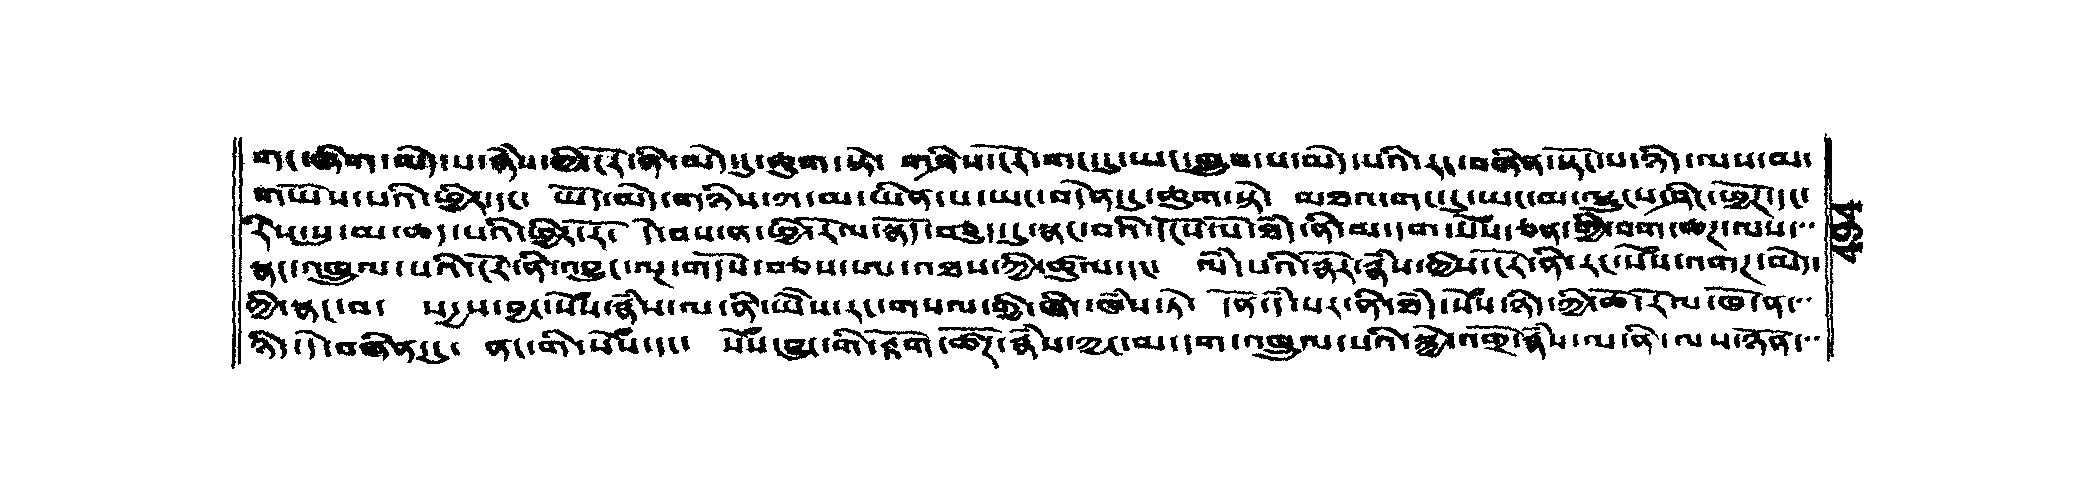གང་ཞིག་མེད་པ་རྣམས་ཀྱི་ངོར་ནི་མེད་དུ་ཆུག་སྟེ། གཤིས་ངོར་གང་དུ་ཡང་གྲུབ་པ་མེད་པའི་རང་བཞིན་སྟོང་པ་ཉིད་ལས་མ་
གཡོས་པའི་ཕྱིར་དང་། ཡོད་མེད་གཉིས་ཀ་མ་ཡིན་ཡང་བདེན་དུ་ཆུག་སྟེ། མཐའ་གང་དུ་ཡང་མ་ལྷུངས་ཤིང་ཕྱོགས་དང་
རིས་སུ་མ་ཆད་པའི་ཕྱིར་རོ། དེ་བས་ན་ཕྱི་རོལ་སྣོད་བཅུད་དུ་སྣང་བའི་དངོས་པོ་ཐམས་ཅད་ནི་མ་དག་སེམས་ཅན་གྱི་བག་ཆགས་ལས་
སྣང་འཁྲུལ་པའི་ངོར་ནི་འབྱུང་ལྔ་གདོས་བཅས་ཨ་འཐས་ཀྱི་ཚུལ་དང་། ལམ་པའི་རྣལ་འབྱོར་རྣམས་ཀྱིས་ངོར་ནི་རང་སེམས་འགགས་མེད་
ཀྱི་སྣང་བ། སངས་རྒྱས་བྱང་སེམས་རྣམས་ལ་ནི་ཡེ་ཤེས་རང་གསལ་གྱི་ཞིང་ཁམས་ཏེ། དོན་དམ་པར་ནི་ཐམས་ཅད་སེམས་ཉིད་ཀྱི་ཆོ་རོལ་ཁོ་ན་
ཉིད་དེ་བཞིན་དུ། ནང་གི་སེམས་དང་། སེམས་བྱུང་གི་རྟོག་ཚོགས་རྣམས་ཀྱང་མ་དག་འཁྲུལ་པའི་སྐྱེ་འགྲོ་རྣམས་ལ་ནི་ལས་ཉོན་